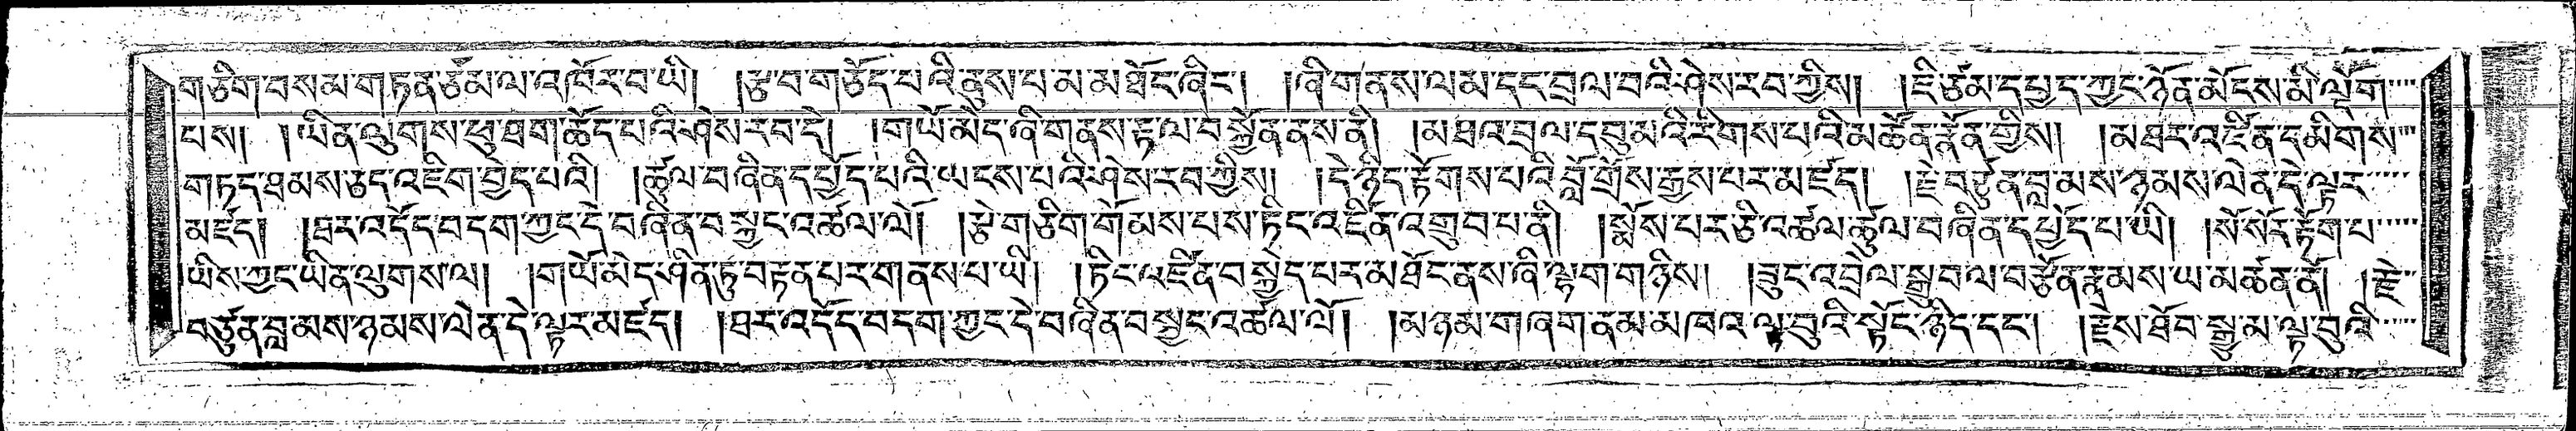གཅིག་བསམ་གཏན་ཙམ་ལ་འཁོར་བ་ཡི། །རྩ་བ་གཅོད་པའི་ནུས་པ་མ་མཐོང་ཞིང་། །ཞི་གནས་ལམ་དང་བྲལ་བའི་ཤེས་རབ་ཀྱིས། །ཇི་ཙམ་དཔྱད་ཀྱང་ཉོན་མོངས་མི་ལྡོག་
པས། །ཡིན་ལུགས་ཕུ་ཐག་ཆོད་པའི་ཤེས་རབ་དེ། །གཡོ་མེད་ཞི་གནས་རྟ་ལ་བསྐྱོན་ནས་ནི། །མཐའ་བྲལ་དབུ་མའི་རིགས་པའི་མཚོན་རྣོན་གྱིས། །མཐར་འཛིན་དམིགས་
གཏད་ཐམས་ཅད་འཇིག་བྱེད་པའི། །ཚུལ་བཞིན་དཔྱོད་པའི་ཡངས་པའི་ཤེས་རབ་ཀྱིས། །དེ་ཉིད་རྟོགས་པའི་བློ་གྲོས་རྒྱས་པར་མཛད། །རྗེ་བཙུན་བླ་མས་ཉམས་ལེན་དེ་ལྟར་
མཛད། །ཐར་འདོད་བདག་ཀྱང་དེ་བཞིན་བསྐྱང་འཚལ་ལོ། །རྩེ་གཅིག་གོམས་པས་ཏིང་འཛིན་འགྲུབ་པ་ནི། །སྨོས་པར་ཅི་འཚལ་ཚུལ་བཞིན་དཔྱོད་པ་ཡི། །སོ་སོར་རྟོག་པ་
ཡིས་ཀྱང་ཡིན་ལུགས་ལ། །གཡོ་མེད་ཤིན་ཏུ་བརྟན་པར་གནས་པ་ཡི། །ཏིང་འཛིན་བསྐྱེད་པར་མཐོང་ནས་ཞི་ལྷག་གཉིས། །ཟུང་འབྲེལ་སྒྲུབ་ལ་བརྩོན་རྣམས་ཡ་མཚན་ནོ། །རྗེ་
བཙུན་བླ་མས་ཉམས་ལེན་དེ་ལྟར་མཛད། །ཐར་འདོད་བདག་ཀྱང་དེ་བཞིན་བསྐྱང་འཚལ་ལོ། །མཉམ་གཞག་ནམ་མཁའ་ལྟ་བུའི་སྟོང་ཉིད་དང་། །རྗེས་ཐོབ་སྒྱུ་མ་ལྟ་བུའི་